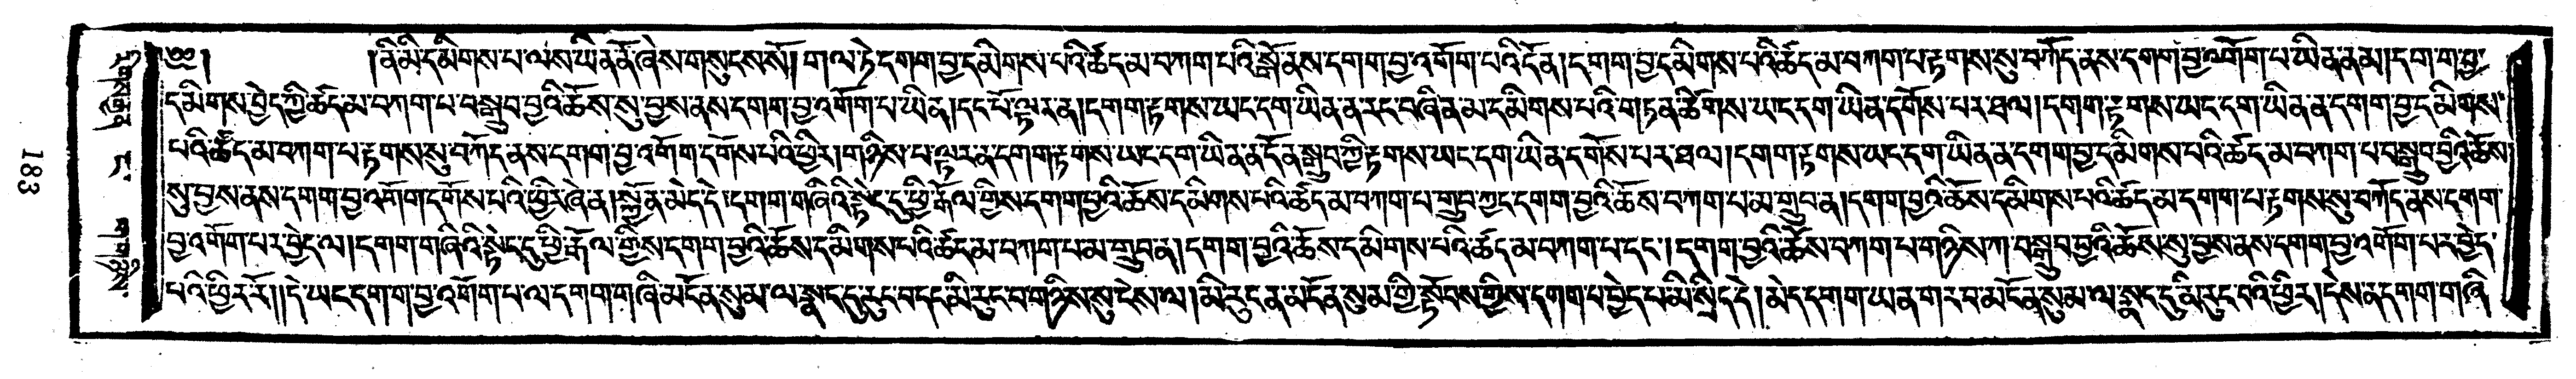༄༅། །ནི་མི་དམིགས་པ་ལས་ཡིན་ནོ་ཞེས་གསུངས་སོ། །གལ་ཏེ་དགག་བྱ་དམིགས་པའི་ཚད་མ་བཀག་པའི་སྒོ་ནས་དགག་བྱ་འགོག་པའི་དོན། དགག་བྱ་དམིགས་པའི་ཚད་མ་བཀག་པ་རྟགས་སུ་བཀོད་ནས་དགག་བྱ་འགོག་པ་ཡིན་ནམ། དགག་བྱ་
དམིགས་བྱེད་ཀྱི་ཚད་མ་བཀག་པ་བསྒྲུབ་བྱའི་ཆོས་སུ་བྱས་ནས་དགག་བྱ་འགོག་པ་ཡིན། དང་པོ་ལྟར་ན། དགག་རྟགས་ཡང་དག་ཡིན་ན་རང་བཞིན་མ་དམིགས་པའི་གཏན་ཚིགས་ཡང་དག་ཡིན་དགོས་པར་ཐལ། དགག་རྟགས་ཡང་དག་ཡིན་ན་དགག་བྱ་དམིགས་
པའི་ཚད་མ་བཀག་པ་རྟགས་སུ་བཀོད་ནས་དགག་བྱ་འགོག་དགོས་པའི་ཕྱིར། གཉིས་པ་ལྟར་ན་དགག་རྟགས་ཡང་དག་ཡིན་ན་དོན་སྒྲུབ་ཀྱི་རྟགས་ཡང་དག་ཡིན་དགོས་པར་ཐལ། དགག་རྟགས་ཡང་དག་ཡིན་ན་དགག་བྱ་དམིགས་པའི་ཚད་མ་བཀག་པ་བསྒྲུབ་བྱའི་ཆོས་
སུ་བྱས་ནས་དགག་བྱ་འགོག་དགོས་པའི་ཕྱིར་ཞེ་ན། སྐྱོན་མེད་དེ། དགག་གཞིའི་སྟེང་དུ་ཕྱི་རྒོལ་གྱིས་དགག་བྱའི་ཆོས་དམིགས་པའི་ཚད་མ་བཀག་པ་གྲུབ་ཀྱང་དགག་བྱའི་ཆོས་བཀག་པ་མ་གྲུབ་ན། དགག་བྱའི་ཆོས་དམིགས་པའི་ཚད་མ་དགག་པ་རྟགས་སུ་བཀོད་ནས་དགག་
བྱ་འགོག་པར་བྱེད་ལ། དགག་གཞིའི་སྟེང་དུ་ཕྱི་རྒོལ་གྱིས་དགག་བྱའི་ཆོས་དམིགས་པའི་ཚད་མ་བཀག་པ་མ་གྲུབ་ན། དགག་བྱའི་ཆོས་དམིགས་པའི་ཚད་མ་བཀག་པ་དང་། དགག་བྱའི་ཆོས་བཀག་པ་གཉིས་ཀ་བསྒྲུབ་བྱའི་ཆོས་སུ་བྱས་ནས་དགག་བྱ་འགོག་པར་བྱེད་
པའི་ཕྱིར་རོ། །དེ་ཡང་དགག་བྱ་འགོག་པ་ལ་དགག་གཞི་མངོན་སུམ་ལ་སྣང་དུ་རུང་བ་དང་མི་རུང་བ་གཉིས་སུ་ངེས་ལ། མི་རུང་ན་མངོན་སུམ་གྱི་སྟོབས་ཀྱིས་དགག་པ་བྱེད་པ་མི་སྲིད་དེ། མེད་དགག་ཡན་གར་བ་མངོན་སུམ་ལ་སྣང་དུ་མི་རུང་བའི་ཕྱིར། དེས་ན་དགག་གཞི་